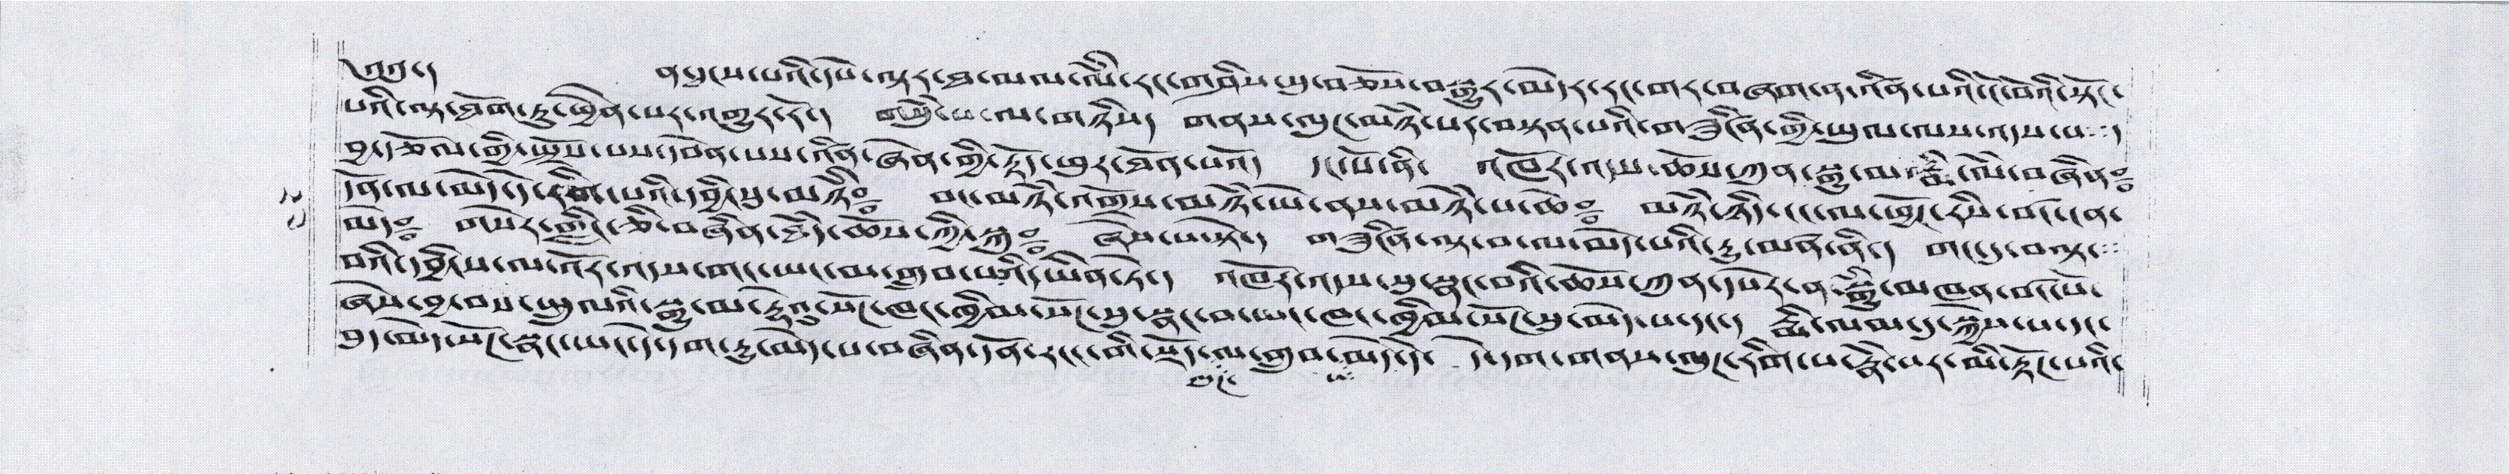ན་དྭངས་པའི་དཔེ་ལྟར་ཐ་མལ་ལམ་རང་གཤིས་སུ་བཅོས་སྒྱུར་མེད་པར་རང་གར་བཞག་ན་འཛིན་པའི་ངོ་བོའི་སྟོང་
པའི་ལྟ་ཐོག་ཏུ་ཕྱིན་པར་འགྱུར་རོ། གསུམ་པ་ལ་གཉིས། གནས་ལུགས་མཉམ་པར་བསྟན་པའི་གཟུང་འཛིན་གྱི་ཡུལ་ལས་འདས་པ། 
བྱ་རྩོལ་གྱི་སྤྲོས་པས་དབེན་པས་འཛིན་ཞེན་གྱི་རྟོད་ཕུར་ཐོན་པའོ། དང་པོ་ནི། འཁོར་འདས་ཆོས་ཀུན་སྒྱུ་མ་རྨི་ལམ་བཞིནཿ 
དོན་ལ་མེད་དེ་རིག་པའི་དབྱིངས་སུ་མཉམཿ བང་མཉམ་འགྲོས་མཉམ་ཡེ་ནས་མཉམ་པ་ཆེཿ མཉམ་ཉིད་ངང་ལ་ཕྱོགས་རིས་བཟང་ངན་
མེདཿ གསེར་གླིང་ཅི་བཞིན་ཐམས་ཅད་ཆོས་ཀྱི་སྐུཿ ཞེས་པ་སྟེ། གཟུང་འཛིན་ལྟ་བ་ལ་མེད་པའི་རྒྱུ་མཚན་ནི། གང་དུ་ལྟ་
བའི་དབྱིངས་ལ་འཁོར་འདས་གང་ཡང་མ་གྲུབ་པ་འདི་ཡིན་ཏེ། འཁོར་འདས་སུ་སྣང་བའི་ཆོས་ཀུན་དཔེར་ན་སྒྱུ་མ་མཁན་བཟང་པོ་
ཞེས་བྱ་བས་སྤྲུལ་པའི་སྒྱུ་མ་རྡེའུ་སོགས་ཁང་ཁྱིམ་སོགས་སུ་སྣང་བ་ཡང་ཁང་ཁྱིམ་སོགས་སུ་མེད་པ་དང་། རྨི་ལམ་དུ་སྐྱེས་པ་དང་
བུད་མེད་སོགས་སྣང་ཡང་དེ་དག་ཏུ་མེད་པ་བཞིན་དོན་རང་རང་གི་སྡོད་ལུགས་ལ་གྲུབ་པ་མེད་དེ། དེ་དག་གནས་ལུགས་རིག་པ་རྣམ་པར་མི་རྟོག་པའི་